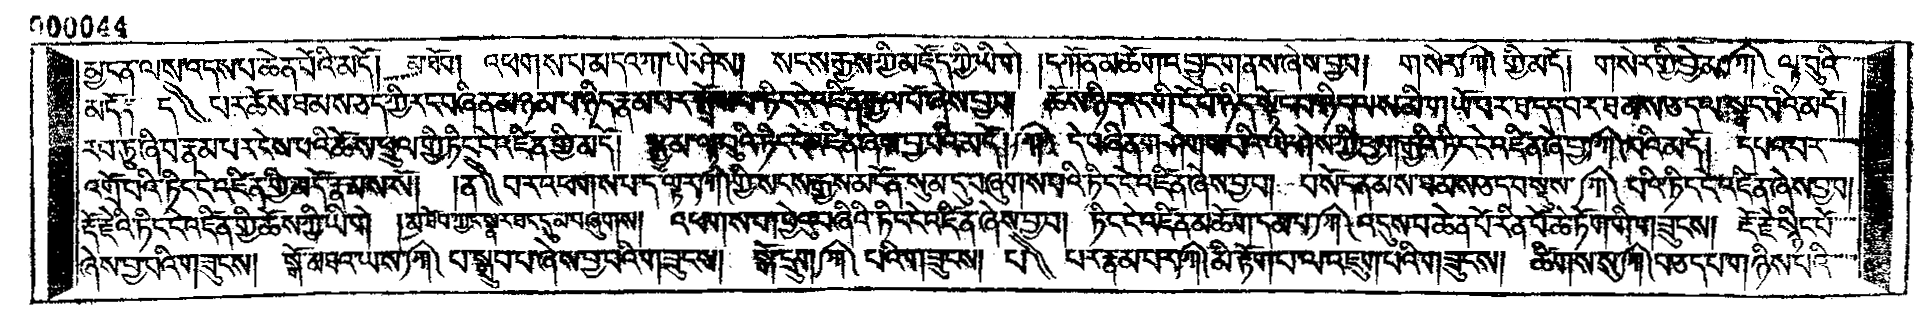མྱ་ངན་ལས་འདས་པ་ཆེན་པོའི་མདོ། མ་ཐོབ།  འཕགས་པ་མདའ་ཀ་ཡེ་ཤེས། སངས་རྒྱས་ཀྱི་མཛོད་ཀྱི་ཡི་གེ །དཀོན་མཆོག་འབྱུང་གནས་ཞེས་བྱ་བ། གསེར ༼ཀ༽ གྱི་མདོ། གསེར་གྱི་བྱེ་མ ༼ཀ༽ ལྟ་བུའི་
མདོ༑ ད༼༽ པར་ཆོས་ཐམས་ཅད་ཀྱི་རང་བཞིན་མཉམ་པ་ཉིད་རྣམ་པར་སྤྲོས་པ་ཏིང་ངེ་འཛིན་རྒྱལ་པོ་ཞེས་བྱ་བ། ཆོས་ཉིད་རང་གི་ངོ་བོ་ཉིད་སྟོང་པ་ཉིད་ལས་མི་གཡོ་བར་ཐ་དད་པར་ཐམས་ཅད་ལ་སྣང་བའི་མདོ།
རབ་ཏུ་ཞི་བ་རྣམ་པར་ངེས་པའི་ཆོས་ཕྲུལ་གྱི་ཏིང་ངེ་འཛིན་གྱི་མདོ། སྒྱུ་མ་ལྟ་བུའི་ཏིང་ངེ་འཛིན་ཞེས་བྱ་བའི་མདོ། ༼ཀ༽ དེ་བཞིན་གཤེགས་པའི་ཡེ་ཤེས་ཀྱི་ཕྱག་རྒྱའི་ཏིང་ངེ་འཛིན་ཞེ་བྱ ༼ཀ༽ པའི་མདོ། དཔའ་བར་
འགྲོ་བའི་ཏིང་ངེ་འཛིན་གྱི་མདོ་རྣམས་སོ། །ན༼༽ བར་འཕགས་པ་ད་ལྟར ༼ཀ༽ གྱི་སངས་རྒྱས་མངོན་སུམ་དུ་བཞུགས་པའི་ཏིང་ངེ་འཛིན་ཞེས་བྱ་བ། བསོད་ནམས་ཐམས་ཅད་བསྡུས ༼ཀ༽ པའི་ཏིང་ངེ་འཛིན་ཞེས་བྱ་བ།
རྡོ་རྗེའི་ཏིང་ངེ་འཛིན་གྱི་ཆོས་ཀྱི་ཡི་གེ་མ་ཐོབ་ཀྱང་སྣར་ཐང་དུ་མ་བཞུགས།  འཕགས་པ་ཁྱེའུ་བཞིའི་ཏིང་ངེ་འཛིན་ཞེས་བྱ་བ། ཏིང་ངེ་འཛིན་མཆོག་དམ་པ ༼ཀ༽ འདུས་པ་ཆེན་པོ་རིན་པོ་ཆེ་ཏོག་གི་གཟུངས། རྡོ་རྗེ་སྙིང་པོ་
ཞེས་བྱ་བའི་གཟུངས། སྒོ་མཐའ་ཡས ༼ཀ༽ པ་སྒྲུབ་པ་ཞེས་བྱ་བའི་གཟུངས། སྒོ་དྲུག ༼ཀ༽ པའི་གཟུངས། པ༼༽ པར་རྣམ་པར ༼ཀ༽ མི་རྟོག་པ་ལ་འཇུག་པའི་གཟུངས། ཚིགས་སུ ༼ཀ༽ བཅད་པ་གཉིས་པའི་